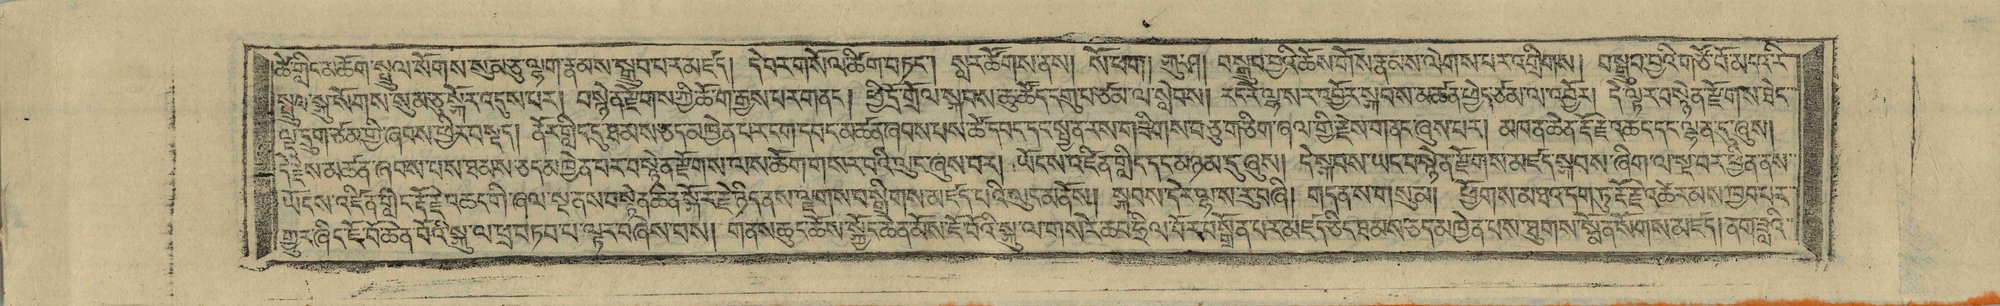ཚེ་གླིང་མཆོག་སྤྲུལ་སོགས་སུམ་ཅུ་ལྷག་རྣམས་སྒྲུབ་པར་མཛད། དེ་བར་གསོལ་ཚིག་བཏང་། སླར་ཚོགས་ནས། སོ་ཕག །ཀུ་ཤ། བསྒྲུབ་བྱའི་ཆོས་གོས་རྣམས་ལེགས་པར་འགྲིགས། བསྒྲུབ་བྱའི་གཙོ་བོ་མངའ་རི་
སྤྲུལ་སྐུ་སོགས་སུམ་ཅུ་སྐོར་འདུས་པར། བསྙེན་རྫོགས་ཀྱི་ཆོ་ག་རྒྱས་པར་གནང་། ཕྱི་དྲོ་གྲོལ་སྐབས་ཆུ་ཚོད་དགུ་པ་ཙམ་ལ་སླེབས། རང་རེ་ལྷ་སར་འབྱོར་སྐབས་མཚན་ཕྱེད་ཙམ་ལ་འབྱོར། དེ་ལྟར་བསྙེན་རྫོགས་ཐེང་
ལྔ་དྲུག་ཙམ་གྱི་ཞབས་ཕྱིར་བསྡད། ནོར་གླིང་དུ་ཐམས་ཅད་མཁྱེན་པར་ངག་དབང་མཚན་ཞབས་པས་ཚེ་དབང་དང་སྤྱན་རས་གཟིགས་བཅུ་གཅིག་ཞལ་གྱི་རྗེས་གནང་ཞུས་པར། མཁན་ཆེན་རྡོ་རྗེ་འཆང་དང་ལྷན་དུ་ཞུས།
དེ་རྗེས་མཚན་ཞབས་པས་ཐམས་ཅད་མཁྱེན་པར་བསྙེན་རྫོགས་ལས་ཆོག་གསར་བའི་ལུང་ཞུས་པར། ཡོངས་འཛིན་གླིང་དང་མཉམ་དུ་ཞུས། དེ་སྐབས་ཡང་བསྙེན་རྫོགས་མཛད་སྐབས་ཞིག་ལ་སྔ་བར་ཕྱིན་ནས་
ཡོངས་འཛིན་གླིང་རྡོ་རྗེ་འཆང་གི་ཞལ་སྔ་ནས་བསྙེན་ཆེན་སྐོར་རྗེ་ཉིད་ནས་ལྗགས་བསྒྲིགས་མཛད་པའི་ལུང་མནོས། སྐབས་དེར་ལྷ་ས་རུ་བཞི། གདན་ས་གསུམ། ཕྱོགས་མཐའ་དག་ཏུ་རྡོ་རྗེ་འཚེར་མས་ཁྱབ་པར་
གྱུར་ཞིང་ཇོ་བོ་ཆེན་པོའི་སྐུ་ལ་ཕྲ་བཏབ་པ་ལྟར་བཞེས་པས། གནས་ཆུང་ཆོས་སྐྱོང་ཆེན་མོས་ཇོ་བོའི་སྐུ་ལ་གསེར་ཆབ་ཧྲིལ་བོར་བསྒྲོན་པར་མཛད་ཅིང་ཐམས་ཅད་མཁྱེན་པས་ཐུགས་སྨོན་སོགས་མཛད། ནག་ཟླའི་